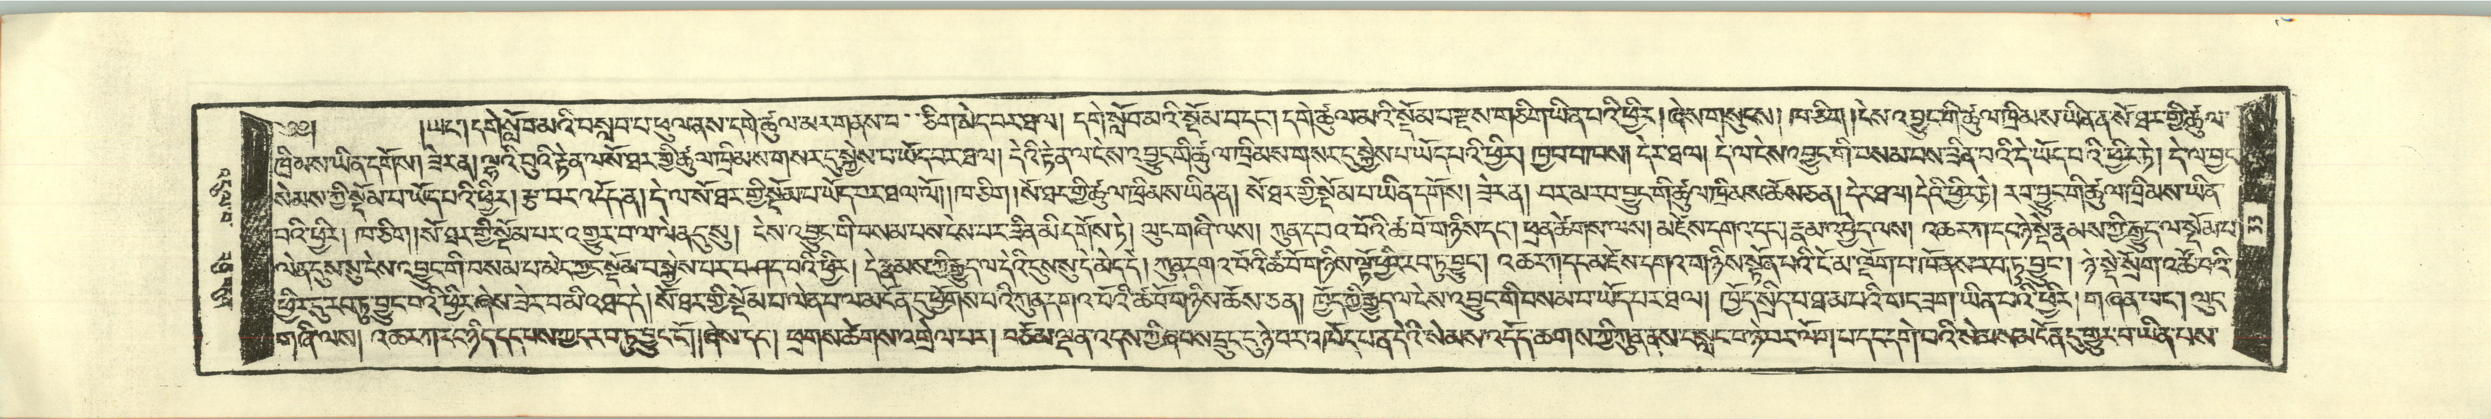༄༅། །ཡང་། དགེ་སློབ་མའི་བསླབ་པ་ཕུལ་ནས་དགེ་ཚུལ་མར་གནས་པ་ཅིག་མེད་པར་ཐལ། དགེ་སློབ་མའི་སྡོམ་པ་དང་། དགེ་ཚུལ་མའི་སྡོམ་པ་རྫས་གཅིག་ཡིན་པའི་ཕྱིར། ཞེས་གསུངས། ཁ་ཅིག །ངེས་འབྱུང་གི་ཚུལ་ཁྲིམས་ཡིན་ན་སོ་ཐར་གྱི་ཚུལ་
ཁྲིམས་ཡིན་དགོས། ཟེར་ན། ལྷའི་བུའི་རྟེན་ལ་སོ་ཐར་གྱི་ཚུལ་ཁྲིམས་གསར་དུ་སྐྱེས་པ་ཡོད་པར་ཐལ། དེའི་རྟེན་ལ་ངེས་འབྱུང་གི་ཚུལ་ཁྲིམས་གསར་དུ་སྐྱེས་པ་ཡོད་པའི་ཕྱིར། ཁྱབ་པ་ཁས། དེར་ཐལ། དེ་ལ་ངེས་འབྱུང་གི་བསམ་པས་ཟིན་པའི་དེ་ཡོད་པའི་ཕྱིར་ཏེ། དེ་ལ་བྱང་
སེམས་ཀྱི་སྡོམ་པ་ཡོད་པའི་ཕྱིར། རྩ་བར་འདོད་ན། དེ་ལ་སོ་ཐར་གྱི་སྡོམ་པ་ཡོད་པར་ཐལ་ལོ། །ཁ་ཅིག །སོ་ཐར་གྱི་ཚུལ་ཁྲིམས་ཡིན་ན། སོ་ཐར་གྱི་སྡོམ་པ་ཡིན་དགོས། ཟེར་ན། བར་མ་རབ་བྱུང་གི་ཚུལ་ཁྲིམས་ཆོས་ཅན། དེར་ཐལ། དེའི་ཕྱིར་ཏེ། རབ་བྱུང་གི་ཚུལ་ཁྲིམས་ཡིན་
པའི་ཕྱིར། ཁ་ཅིག །སོ་ཐར་གྱི་སྡོམ་པར་འགྱུར་བ་ལ་ལེན་དུ་སུ། ངེས་འབྱུང་གི་བསམ་པས་ངེས་པར་ཟིན་མི་དགོས་ཏེ། ལུང་གཞི་ལས། ཀུན་དབའ་བོའི་ཚ་བོ་གཉིས་དང་། ཕྲན་ཚེགས་ལས། མཛེས་དགའ་དང་། རྣམ་འབྱེད་ལས། འཆར་ཀ་དང་ཉེ་སྡེ་རྣམས་ཀྱི་རྒྱུད་ལ་སྡོམ་པ་
ལེན་དུས་སུ་ངེས་འབྱུང་གི་བསམ་པ་མེད་ཀྱང་སྡོམ་པ་སྐྱེས་པར་བཤད་པའི་ཕྱིར། དེ་རྣམས་ཀྱི་རྒྱུད་ལ་དེའི་དུས་སུ་དེ་མེད་དེ། ཀུན་དགའ་བོའི་ཚ་བོ་གཉིས་ལྟོ་ཕྱིར་རབ་ཏུ་བྱུང་། འཆར་ཀ་དང་མཛེས་དགའ་གཉིས་སྟོན་པའི་ངོ་མ་ལྡོག་པ་ཁོ་ནས་རབ་ཏུ་བྱུང་། ཉེ་སྡེ་སྲོག་འཚོ་བའི་
ཕྱིར་དུ་རབ་ཏུ་བྱུང་བའི་ཕྱིར་ཞེས་ཟེར་བ་མི་འཐད་དེ། སོ་ཐར་གྱི་སྡོམ་པ་ལེན་པ་ལ་མངོན་དུ་ཕྱོགས་པའི་ཀུན་དགའ་བོའི་ཚ་བོ་གཉིས་ཆོས་ཅན། ཁྱོད་ཀྱི་རྒྱུད་ལ་ངེས་འབྱུང་གི་བསམ་པ་ཡོད་པར་ཐལ། ཁྱོད་སྲིད་པ་ཐ་མ་པའི་གང་ཟག་ཡིན་པའི་ཕྱིར། གཞན་ཡང་། ལུང་
གཞི་ལས། འཆར་ཀ་རང་ཉིད་དད་པས་ཀྱང་རབ་ཏུ་བྱུང་ངོ། །ཞེས་དང་། ཕྲགས་ཚེགས་འགྲེལ་པར། བཅོམ་ལྡན་འདས་ཀྱི་ཞབས་དྲུང་དུ་ཉེ་བར་འཁོད་པ་ན་དེའི་སེམས་འདོད་ཆགས་ཀྱི་ཀུན་ནས་བསླང་བ་ཉེ་བར་ལོག་པ་དང་དགེ་བའི་སེམས་མངོན་དུ་གྱུར་བ་ཡིན་པས་